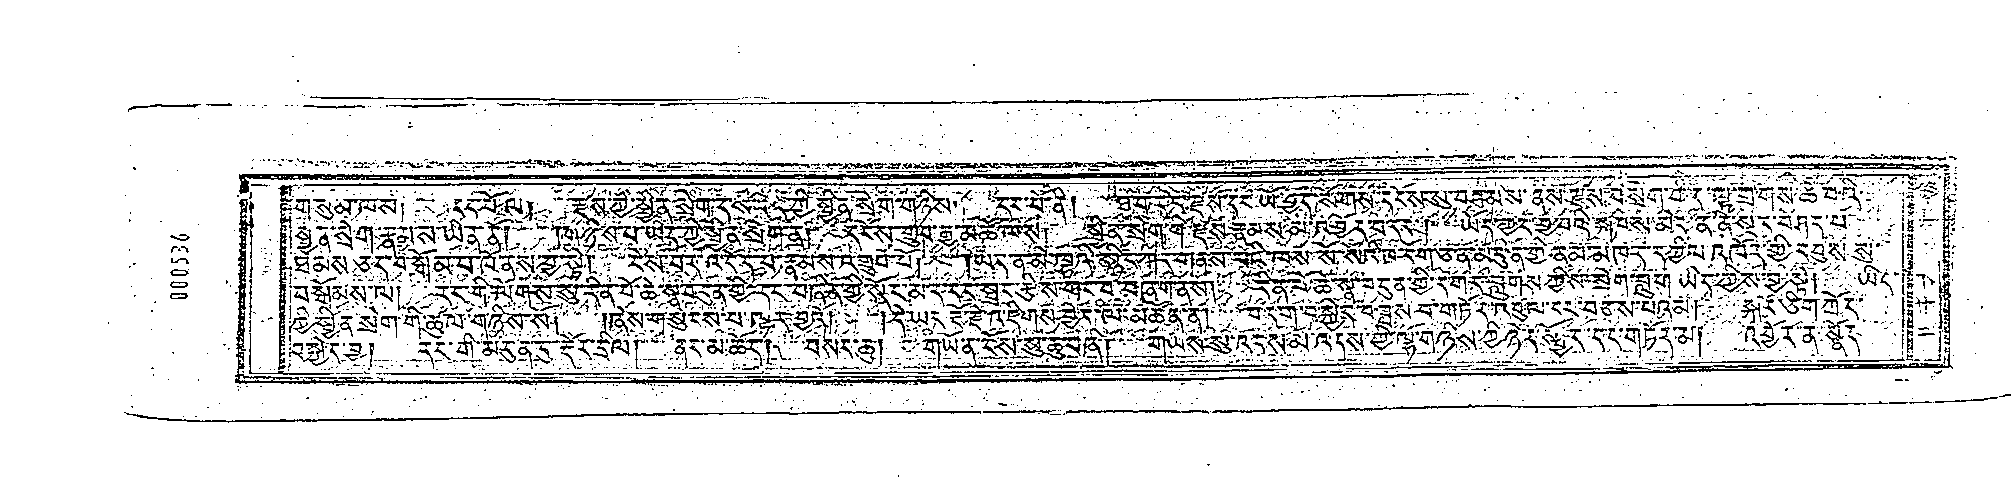གསུམ་ལས། དང་པོ་ལ། རྫས་ཀྱི་སྦྱིན་སྲེག་དང་ཡིད་ཀྱི་སྦྱིན་སྲེག་གཉིས། དང་པོ་ནི། ཐབ་དང་རྫས་དང་ཡོ་བྱད་སོགས་དངོས་སུ་བཤམས་ནས་རྫས་བསྲེག་པ་ད་ལྟ་གྲགས་ཆེ་བའི་
སྦྱན་སྲེག་རྣམས་ཡིན་ནོ། །གཉིས་པ་ཡིད་ཀྱི་སྦྱིན་སྲེག་ན། དངོས་གྲུབ་རྒྱ་མཚོ་ལས། སྦྱིན་སྲེག་གི་རྫས་རྣམས་མ་འབྱོར་བ་དང་། ཡོད་ཀྱང་བྱ་བའི་སྐབས་མེད་ན་ནི་སྔར་བཤད་པ་
ཐམས་ཅད་བསྒོམ་པ་ཁོ་ནས་བྱ་སྟེ། ངེས་པར་འདོད་པ་རྣམས་འགྲུབ་པོ། །ཡང་ན་མེ་ལྷའི་སྙིང་ཀར་གནས་པའི་ལས་སོ་སོའི་ཁ་དོག་ཅན་མདུན་གྱི་ནམ་མཁར་དཀྱིལ་འཁོར་གྱི་དབུས་སུ་
བསྒོམས་ལ། རང་གི་ལོངས་སུ་རིན་པོ་ཆེ་སྣ་བདུན་གྱི་རང་བཞིན་གྱི་སྣོང་མར་དང་སྦྲང་རྩིས་གང་བ་བཞག་ནས། རིན་པོ་ཆེ་སྣ་བདུན་གྱི་དགང་བླུགས་ཀྱིས་སྲེག་བླུག་ཡིད་ཀྱིས་བྱ་སྟེ། ཡིད་
ཀྱི་སྦྱིན་སྲེག་གི་ཚུལ་གཉིས་སོ། །ཞེས་གསུངས་པ་ལྟར་བྱའོ། །དེ་ཡང་རྡོ་རྗེ་འཇིགས་བྱེད་ལ་མཚོན་ན། བདག་བསྐྱེད་བཟླས་པ་གཏོར་འབུལ་དང་བཅས་པའམ། སྐར་ཅིག་ཀྲོང་
བསྐྱེད་བྱ། རང་གི་མདུན་དུ་རྡོར་དྲིལ། ནང་མཆོད། བསང་ཆུ། གཡོན་ངོས་སུ་ཆུ་བཞི། གཡས་སུ་འདས་མ་འདས་ཀྱི་ལྷ་གཉིས་ཀྱི་ཉེར་སྤྱོད་དང་གཏོར་མ། འབྱོར་ན་སྣོད་